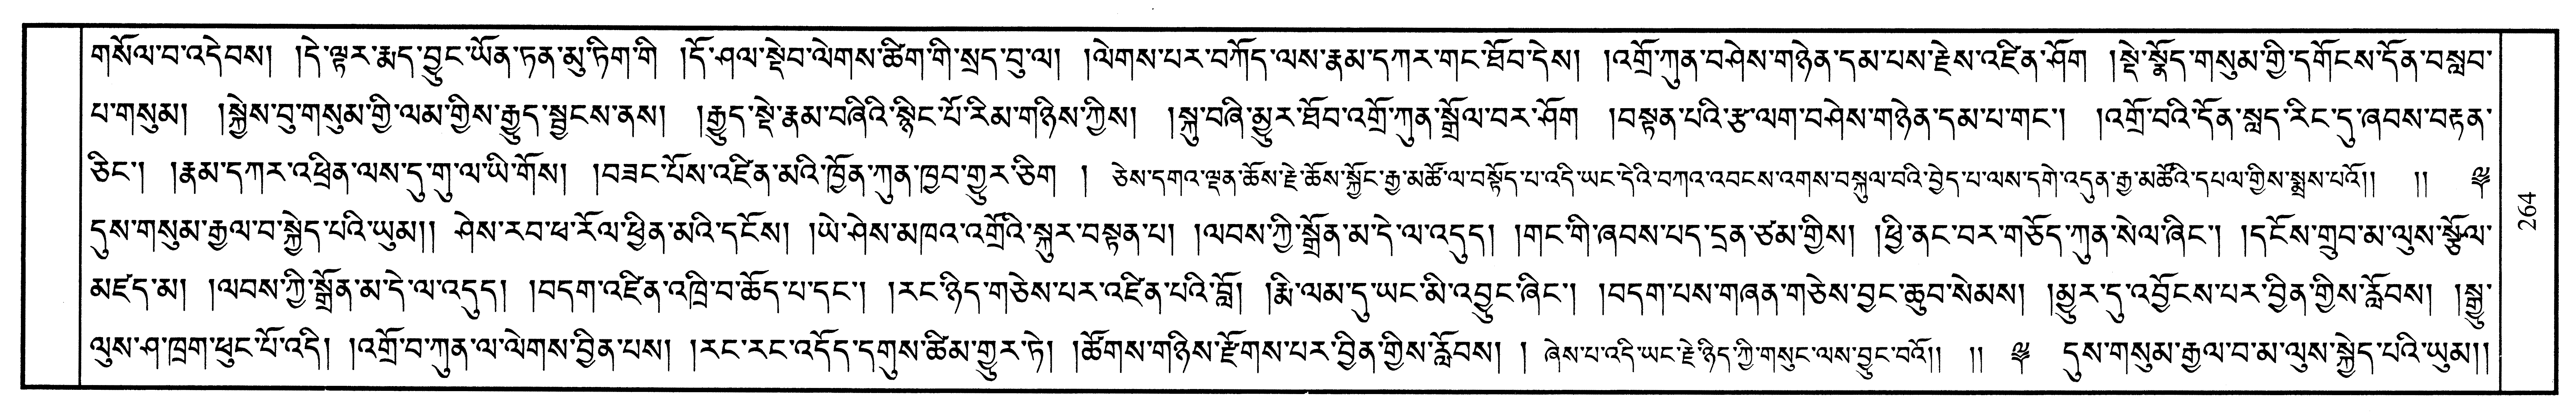གསོལ་བ་འདེབས། །དེ་ལྟར་རྨད་བྱུང་ཡོན་ཏན་མུ་ཏིག་གི །དོ་ཤལ་སྡེབ་ལེགས་ཚིག་གི་སྲད་བུ་ལ། །ལེགས་པར་བཀོད་ལ་རྣམ་དཀར་གང་ཐོབ་དེས། །འགྲོ་ཀུན་བཤེས་གཉེན་དམ་པས་རྗེས་འཛིན་ཤོག །སྡེ་སྣོད་གསུམ་གྱི་དགོངས་དོན་བསླབ་
པ་གསུམ། །སྐྱེས་བུ་གསུམ་གྱི་ལམ་གྱིས་རྒྱུད་སྦྱངས་ནས། །རྒྱུད་སྡེ་རྣམ་བཞིའི་སྙིང་པོ་རིམ་གཉིས་ཀྱིས། །སྐུ་བཞི་མྱུར་ཐོབ་འགྲོ་ཀུན་སྒྲོལ་བར་ཤོག །བསྟན་པའི་རྩ་ལག་བཤེས་གཉེན་དམ་པ་གང་། །འགྲོ་བའི་དོན་སླད་རིང་དུ་ཞབས་བརྟན་
ཅིང་། །རྣམ་དཀར་འཕྲིན་ལས་དུ་གུ་ལ་ཡི་གོས། །བཟང་པོས་འཛིན་མའི་ཁྱོན་ཀུན་ཁྱབ་གྱུར་ཅིག །ཅེས་དགའ་ལྡན་ཆོས་རྗེ་ཆོས་སྐྱོང་རྒྱ་མཚོ་ལ་བསྟོད་པ་འདི་ཡང་དེའི་བཀའ་འབངས་འགས་བསྐུལ་བའི་བྱེད་པ་ལས་དགེ་འདུན་རྒྱ་མཚོའི་དཔལ་གྱིས་སྨྲས་པའོ།། །། ༈
དུས་གསུམ་རྒྱལ་བ་སྐྱེད་པའི་ཡུམ། །ཤེས་རབ་ཕ་རོལ་ཕྱིན་མའི་དངོས། །ཡེ་ཤེས་མཁའ་འགྲོའི་སྐུར་བསྟན་པ། །ལབས་ཀྱི་སྒྲོན་མ་དེ་ལ་འདུད། །གང་གི་ཞབས་པད་དྲན་ཙམ་གྱིས། །ཕྱི་ནང་བར་གཅོད་ཀུན་སེལ་ཞིང་། །དངོས་གྲུབ་མ་ལུས་སྩོལ་
མཛད་མ། །ལབས་ཀྱི་སྒྲོན་མ་དེ་ལ་འདུད། །བདག་འཛིན་འཁྲི་བ་ཆོད་པ་དང་། །རང་ཉིད་གཅེས་པར་འཛིན་པའི་བློ། །རྨི་ལམ་དུ་ཡང་མི་འབྱུང་ཞིང་། །བདག་པས་གཞན་གཅེས་བྱང་ཆུབ་སེམས། །མྱུར་དུ་འབྱོངས་པར་བྱིན་གྱིས་རློབས། །སྒྱུ་
ལུས་ཤ་ཁྲག་ཕུང་པོ་འདི། །འགྲོ་བ་ཀུན་ལ་ལེགས་བྱིན་པས། །རང་རང་འདོད་དགུས་ཚིམ་གྱུར་ཏེ། །ཚོགས་གཉིས་རྫོགས་པར་བྱིན་གྱིས་རློབས། །ཞེས་པ་འདི་ཡང་རྗེ་ཉིད་ཀྱི་གསུང་ལས་བྱུང་བའོ།། །། ༈ །དུས་གསུམ་རྒྱལ་བ་མ་ལུས་སྐྱེད་པའི་ཡུམ།།